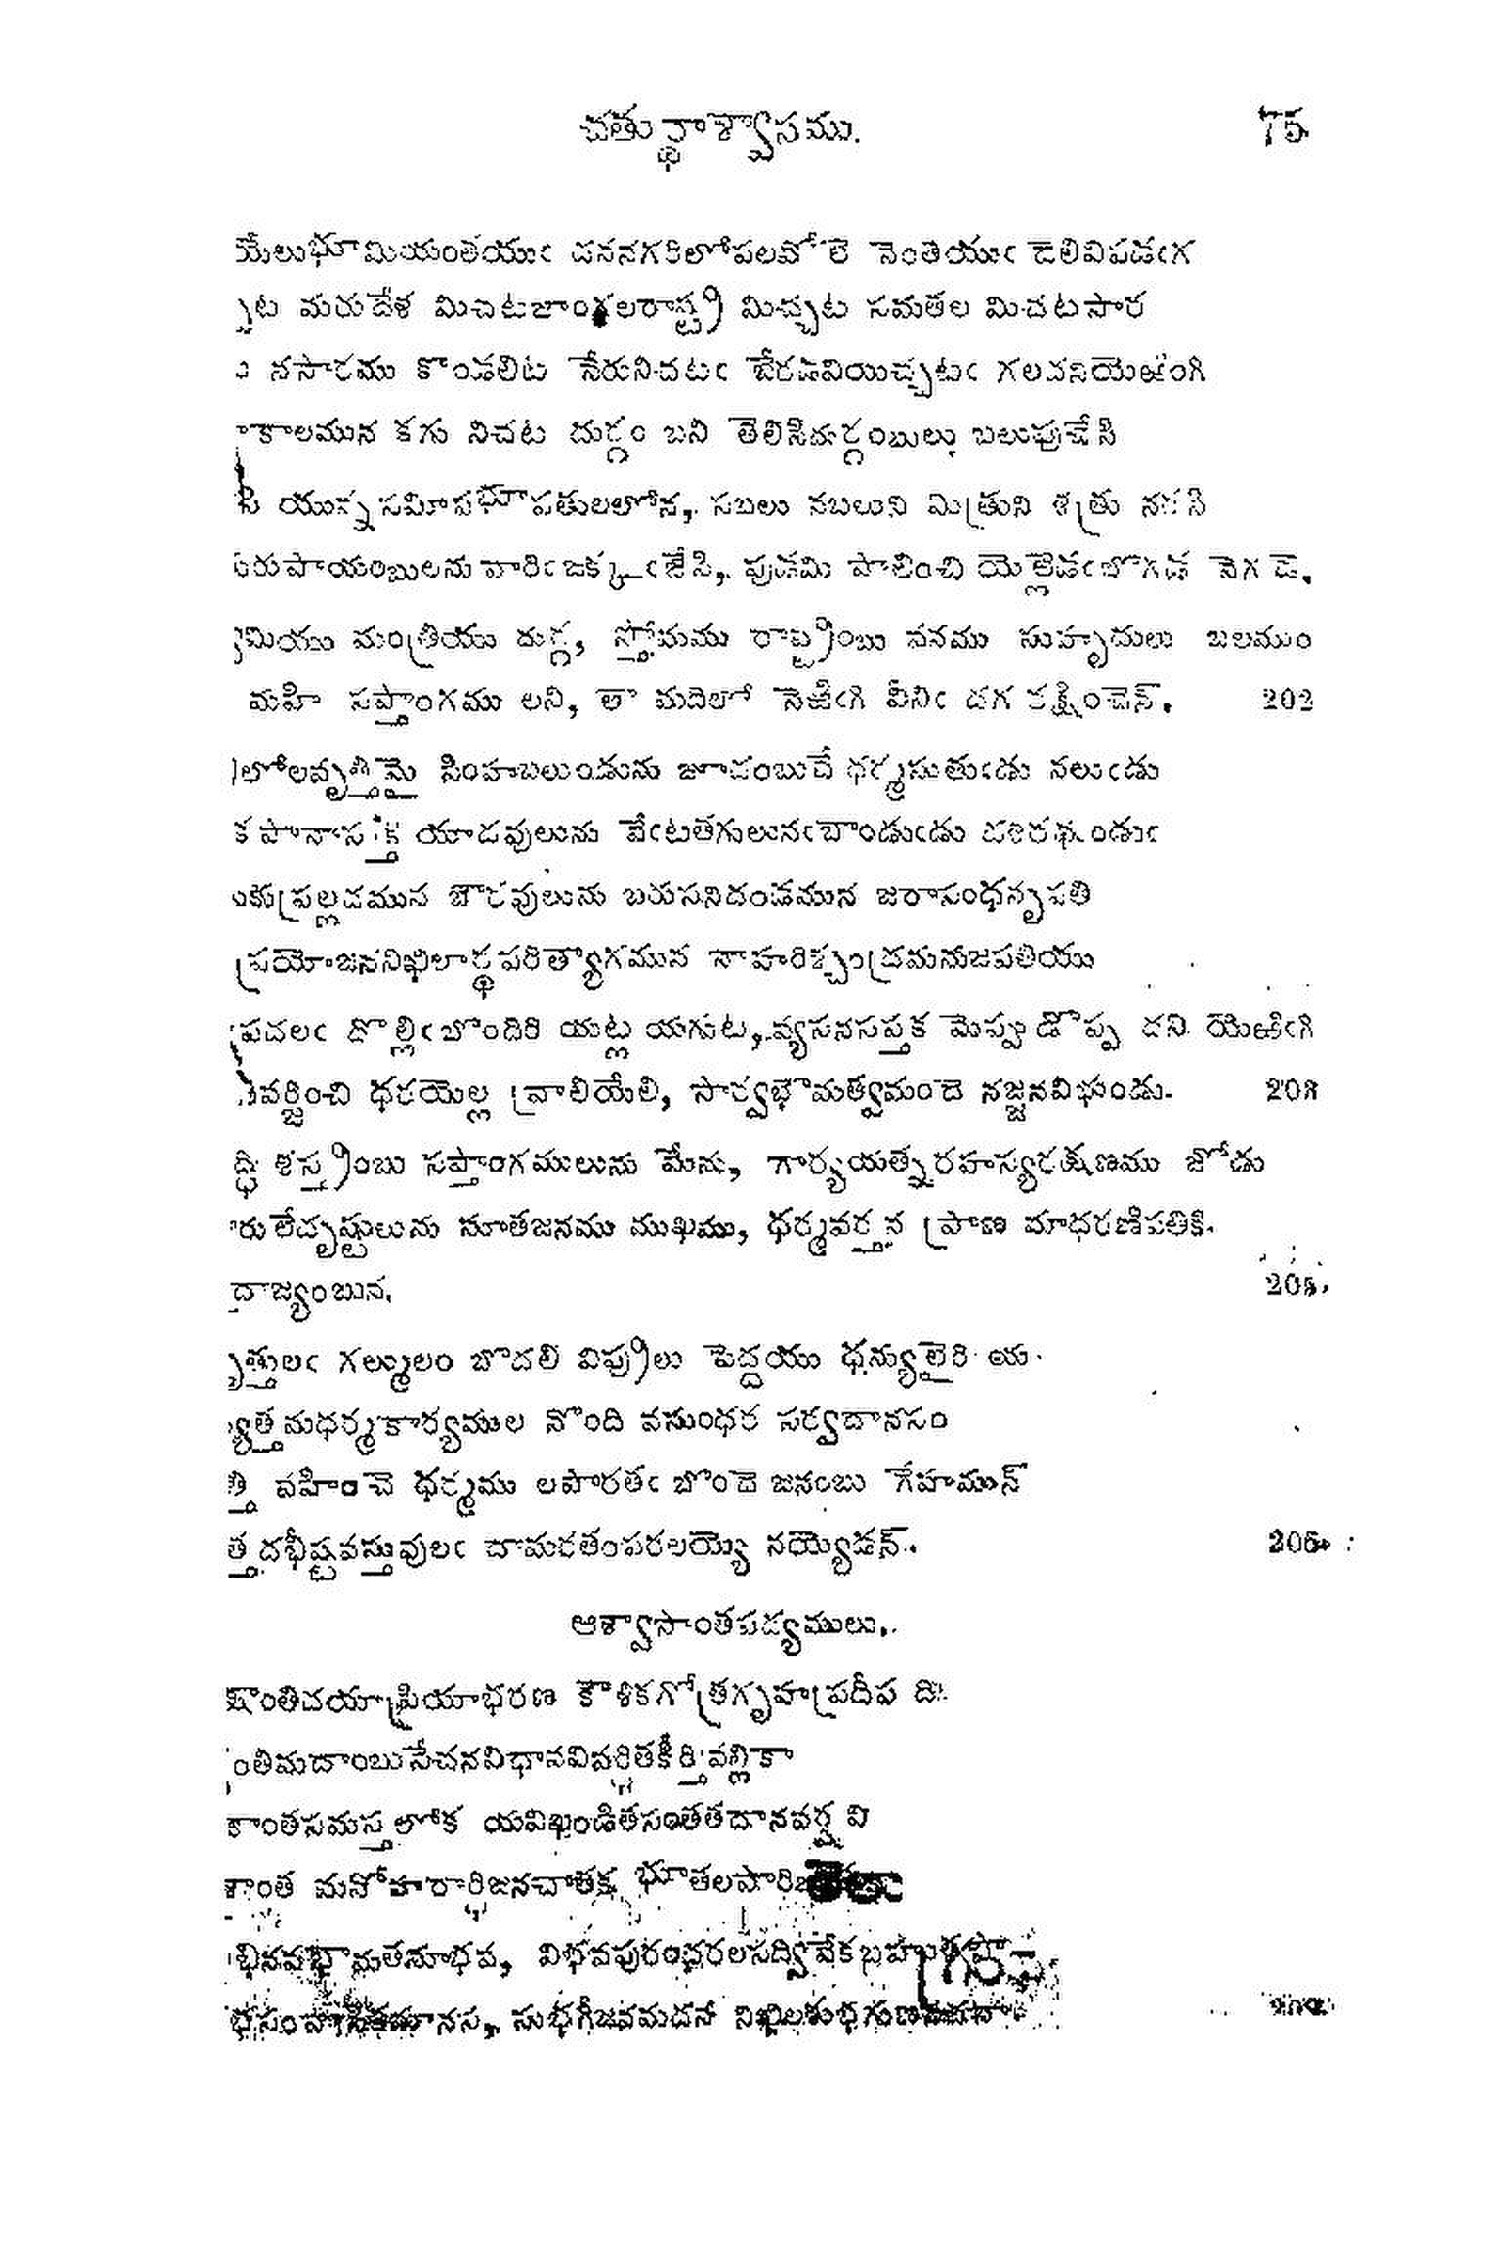సీ. యేలు భూమియంతయుఁ దననగరిలోపలవోలే నెంతయుఁ దెలివిపడఁగ
 చ్చట మరుదేశ మిచట జాంగలరాష్ట్ర మిచ్చట సమతల మిచటసార
 మ నసారము కొండలిట నేరునిచటఁ బేరడవి యిచ్చటఁ గలదని యెఱింగి
 నాకాలమున కగు నిచట దుర్గం బని తెలిసి దుర్గంబులు బలుపుచేైసి
గీ. కాసి యున్న సమీపభూపతులలోన, సబలు నబలుని మిత్రుని శత్రు నరసి
 గురుపాయంబులను వారిఁ జక్కఁ జేసి, పుడమి పాలించి యెల్లెడఁ బొగడ నెగడె.
క. స్వామియు మంత్రియు దుర్గ, స్తోమము రాష్ట్రంబు వనము సుహృదులు బలముం
 మహి సప్తాంగము లని, తా మదెలో నెఱిఁగి వీనిఁ దగ రక్షించెన్.
సీ. స్త్రీలోలవృత్తి మై సింహబలుండును జూదంబుచే ధర్మసుతుఁడు నలుఁడు
 ..కపానాసక్తి యాదవులును వేఁటతగులునఁ బాండుఁడు దశరథుండుఁ
 బొంకు ప్రల్లదమున బౌరవులును బరుసనిదండమున జరాసంధనృపతి
 స్నప్రయోజననిఖిలార్థపరిత్యాగమున నాహరిశ్చంద్రమనుజపతియు
గీ. యాపదలఁ దొల్లిఁ బొందిరి యట్ల యగుట, వ్యసనసప్తక మెప్పు డొప్ప దని యెఱింగి
 వాని వర్జించి ధరయెల్ల వ్రాలి యేలి, సార్వభౌమత్వమందె నజ్జనవిభుండు.
గీ. బుద్ధి శస్త్రంబు సప్తాంగములును మేను, గార్యయత్నరహస్యరక్షణము జోడు
 కారులేదృష్టులును సూతజనము ముఖము, ధర్మవర్తన ప్రాణ మాధరణిపతికి.
వ. తద్రాజ్యంబున.
ఉ. వృత్తులఁ గల్ములం బొదలి విప్రులు పెద్దయు ధన్యులైరి య
 త్యుత్తమధర్మకార్యముల నొంది వసుంధర సర్వదానసం
 పత్తి వహించె ధర్మము లపారతఁ బొందె జనంబు గేహమున్
 దత్తదభీష్టవస్తువులఁ దామరతంపరలయ్యె నయ్యెడన్.
ఆశ్వాసాంతపద్యములు
 క్షాంతిదయాప్రియాభరణ కౌశికగోత్రగృహప్రదీప ది.
 గ్దంతిమదాంబుసేచనవిధానవివర్ధితకీర్తివల్లికా
 క్రాంతసమస్తలోక యవిఖండితసంతతదానవర్ష వి
 శ్రాంతమనోహరార్థిజనచాతక భూతలపారిజాత
క. అభినవభానుతనూభవ, విభవపురంధరలసద్వివేక బహుళసౌ
 రభసంవాసితమానస, సుభగీజనమదన నిఖిలశుభగుణసదనా.